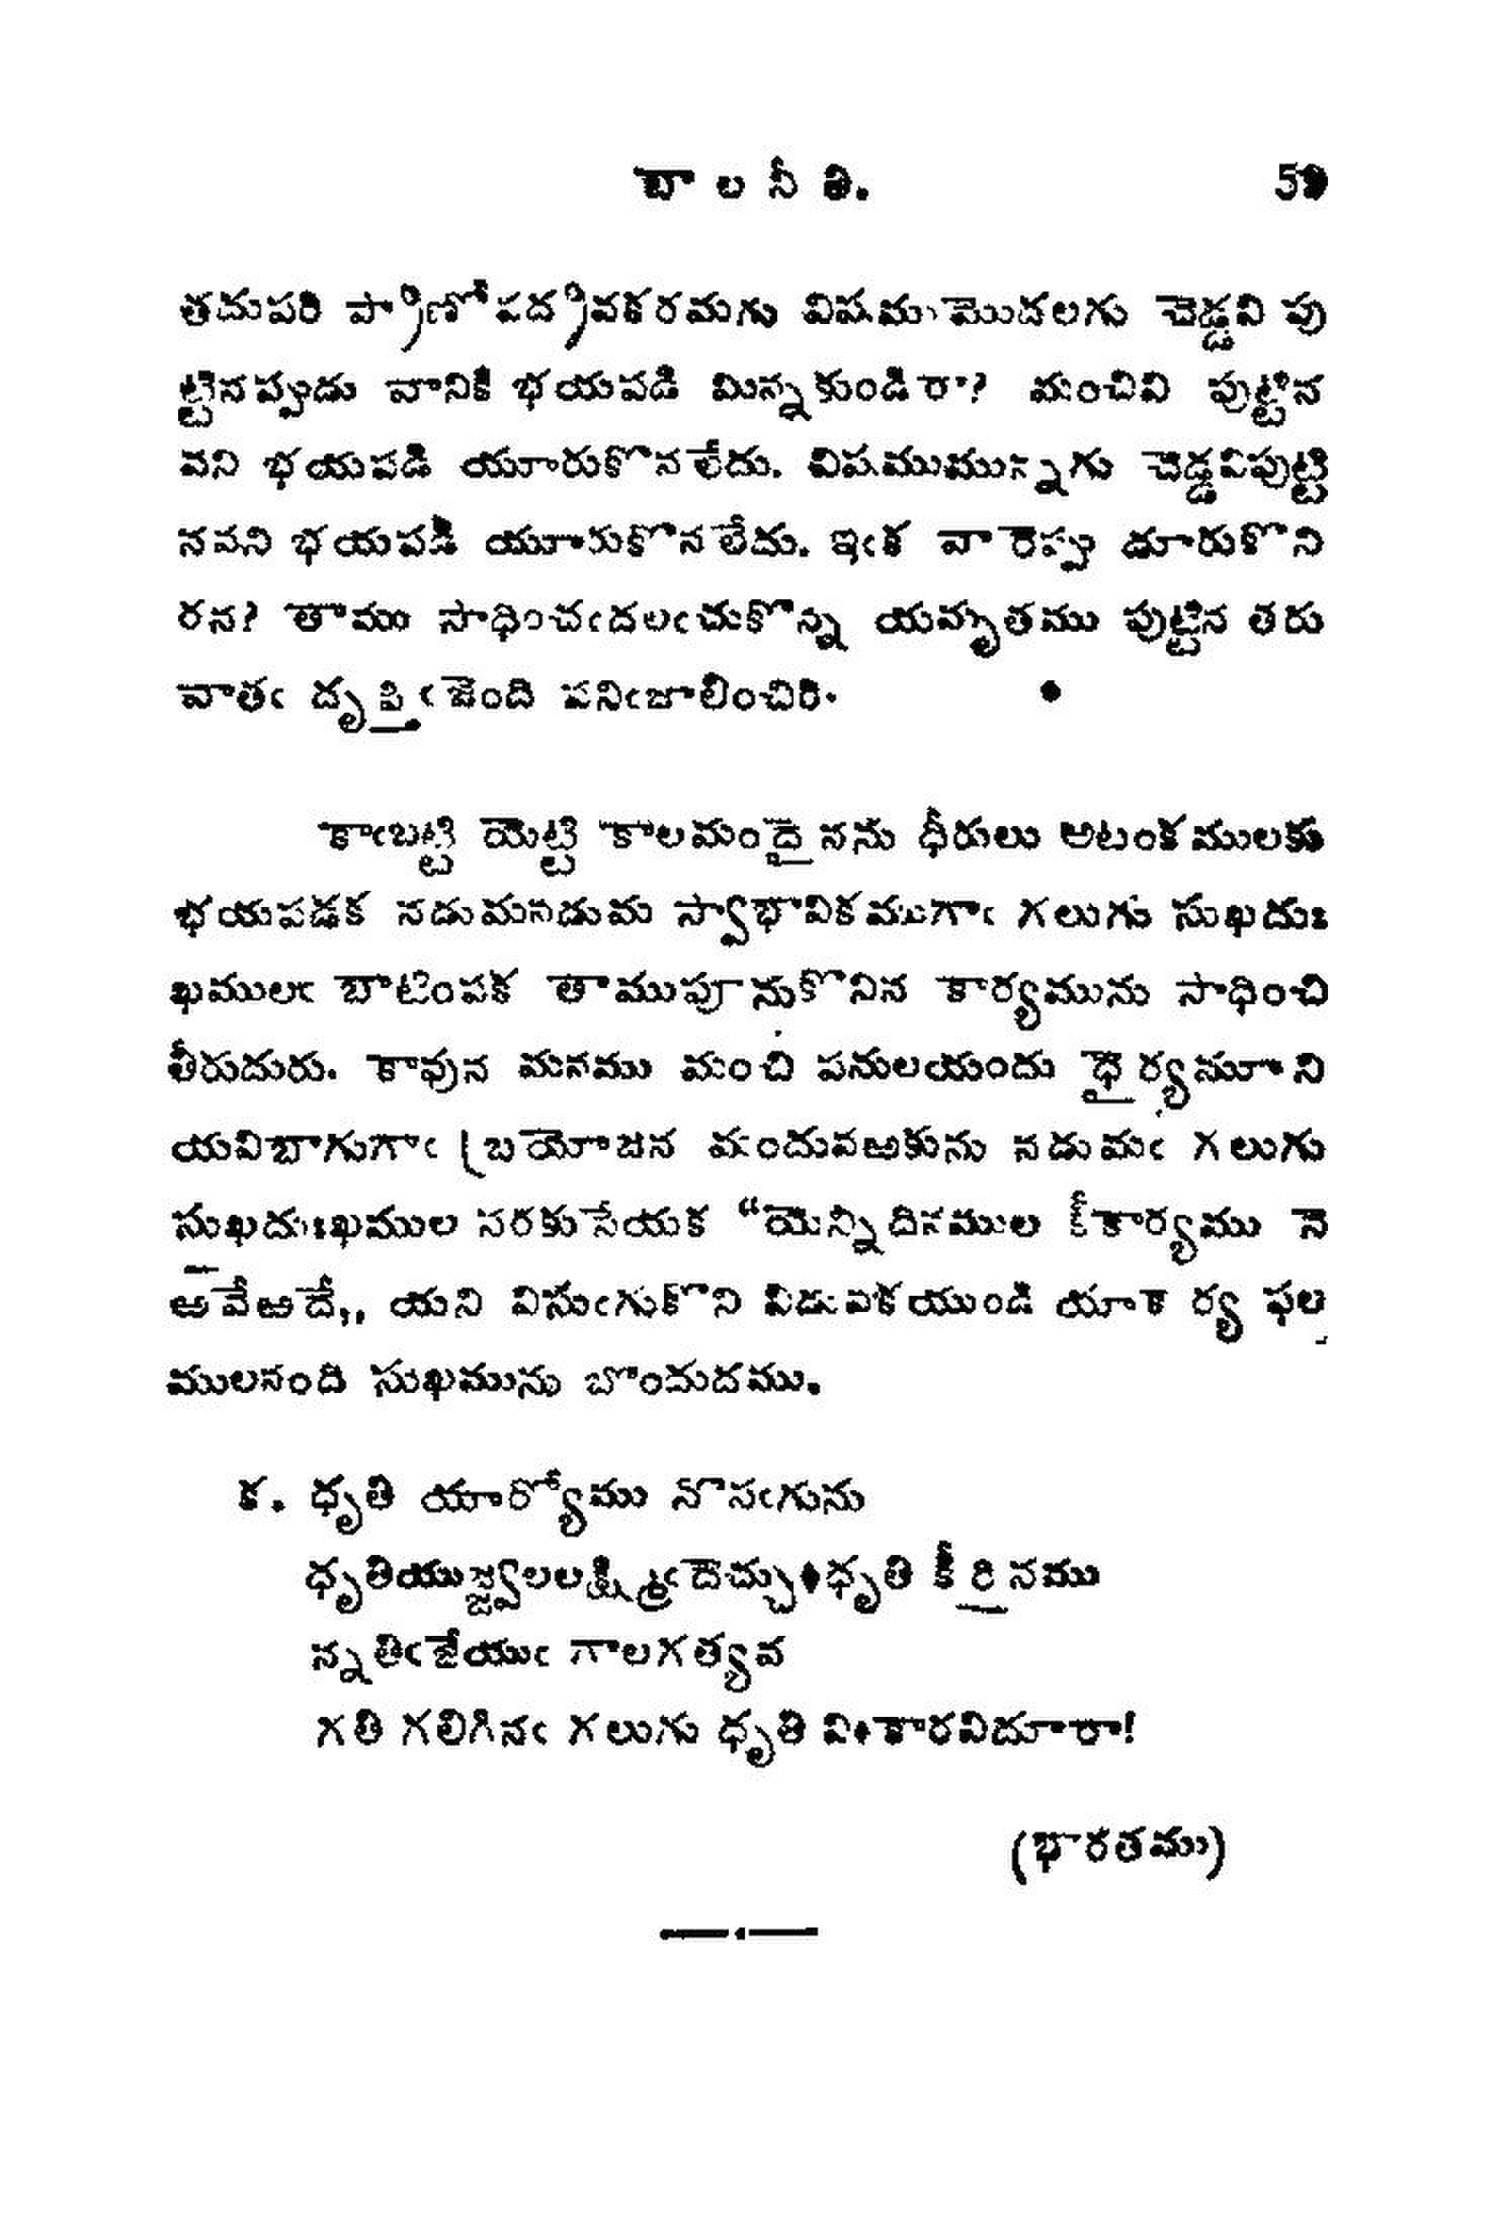తదుపరి ప్రాణోపద్రవకరమగు విషముమొదలగు చెడ్డవి పు
ట్టినప్పుడు వానికి భయపడి మిన్నకుండిరా? మంచివి పుట్టిన
వని భయపడి యూరుకొనలేదు. విషముమున్నగు చెడ్డవిపుట్టి
నవని భయపడి యూరుకొనలేదు. ఇఁక వారెప్పు డూరుకొని
రన? తాము సాధించఁదలఁచుకొన్న యమృతము పుట్టిన తరు
వాతఁ దృప్తిఁజెంది పనిఁజాలించిరి.

కాబఁట్టి యెట్టి కాలమందైనను ధీరులు ఆటంకములకు 
భయపడక నడుమనడుమ స్వాభావికముగాఁ గలుగు సుఖదుః
ఖములఁ బాటింపక తాముపూనుకొనిన కార్యమును సాధించి
తీరుదురు. కావున మనము మంచి పనులయందు ధైర్యమూని 
యవిబాగుగాఁ బ్రయోజన మందువఱకును నడుమఁ గలుగు 
సుఖదుఃఖముల సరకుసేయక "యెన్నిదినముల కీకార్యము నె
ఱవేఱదే" యని విసుఁగుకొని విడువకయుండి యాకార్య ఫల
ములనంది సుఖమును బొందుదము.

క. ధృతి యారోగ్యము నొసఁగును
 ధృతియుజ్జ్వలలక్ష్మిఁదెచ్చు♦ధృతి కీర్తిసము
 న్నతిఁజేయుఁ గాలగత్యవ
 గతి గలిగినఁ గలుగు ధృతి వి♦కారవిదూరా!
 (భారతము)